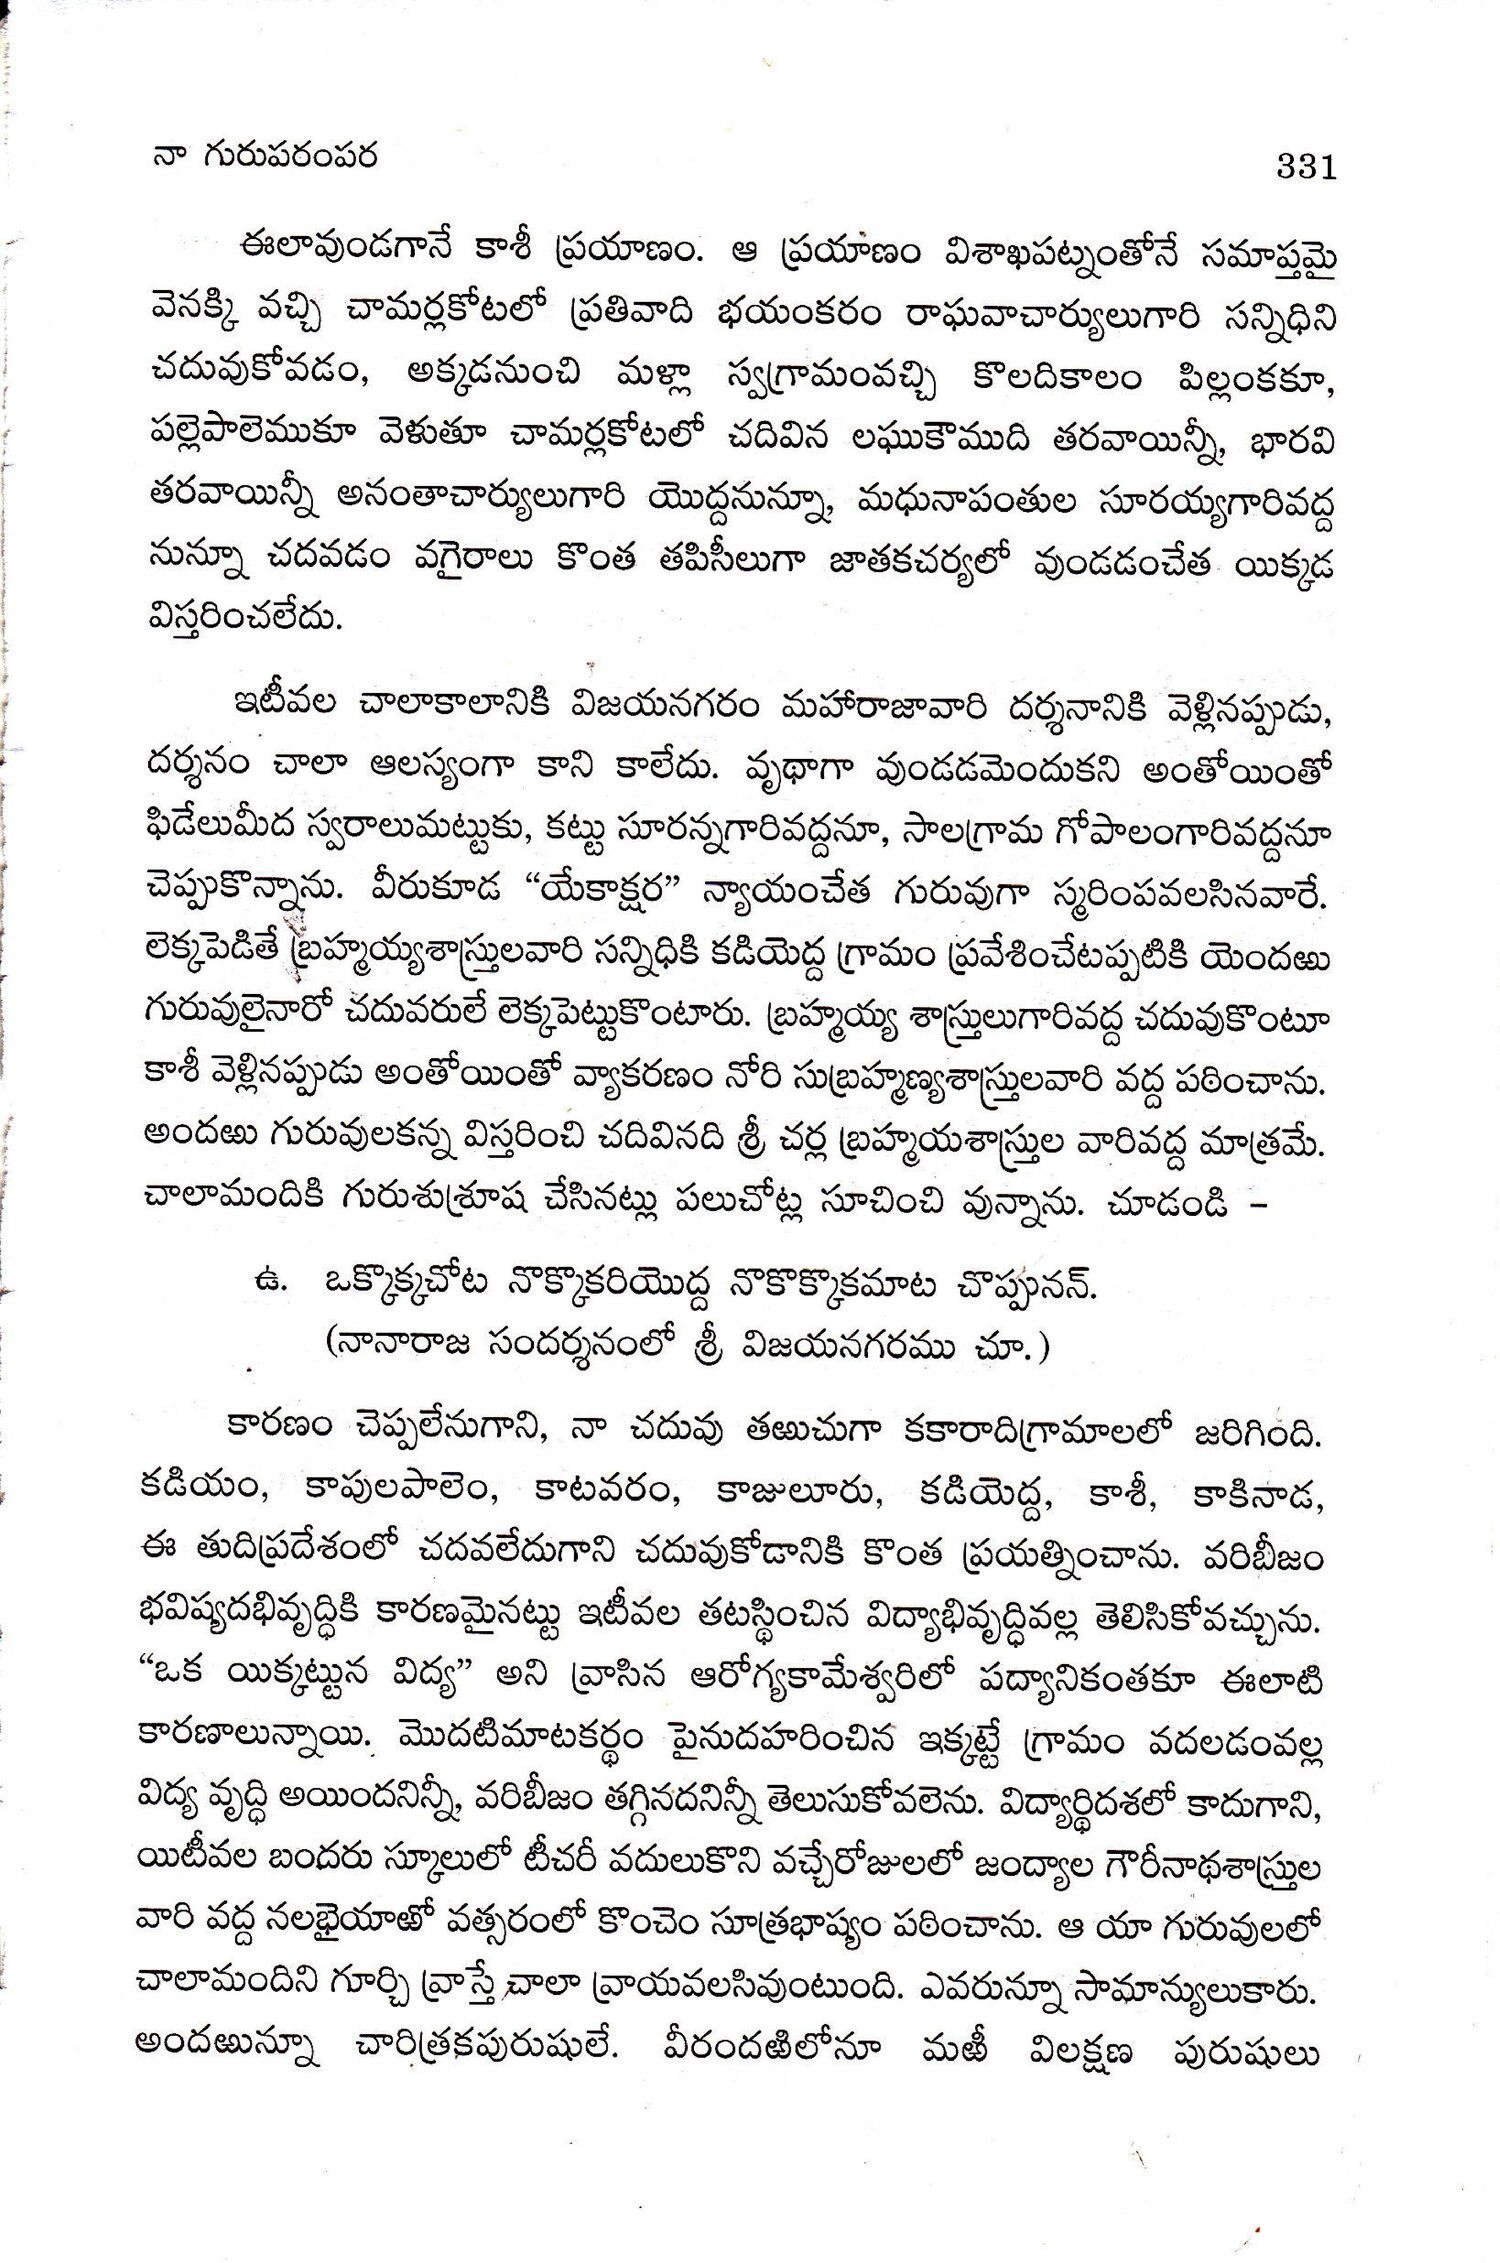ఈలావుండగానే కాశీ ప్రయాణం. ఆ ప్రయాణం విశాఖపట్నంతోనే సమాప్తమై వెనక్కి వచ్చి చామర్లకోటలో ప్రతివాది భయంకరం రాఘవాచార్యులుగారి సన్నిధిని చదువుకోవడం, అక్కడనుంచి మళ్లా స్వగ్రామంవచ్చి కొలదికాలం పిల్లంకకూ, పల్లెపాలెముకూ వెళుతూ చామర్లకోటలో చదివిన లఘుకౌముది తరవాయిన్నీ భారవి తరవాయిన్నీ అనంతాచార్యులుగారి యొద్దనున్నూ, మధునాపంతుల సూరయ్యగారివద్దనున్నూ చదవడం వగైరాలు కొంత తపిసీలుగా జాతకచర్యలో వుండడంచేత యిక్కడ విస్తరించలేదు.

ఇటీవల చాలాకాలానికి విజయనగరం మహారాజావారి దర్శనానికి వెళ్లినప్పుడు, దర్శనం చాలా ఆలస్యంగా కాని కాలేదు. వృథాగా వుండడమెందుకని అంతోయింతో ఫిడేలుమీద స్వరాలుమట్టుకు, కట్టు సూరన్నగారివద్దనూ, సాలగ్రామ గోపాలంగారివద్దనూ చెప్పుకొన్నాను. వీరుకూడ “యేకాక్షర" న్యాయంచేత గురువుగా స్మరింపవలసినవారే. లెక్కపెడితే బ్రహ్మయ్యశాస్త్రులవారి సన్నిధికి కడియెద్ద గ్రామం ప్రవేశించేటప్పటికి యెందఱు గురువులైనారో చదువరులే లెక్కపెట్టుకొంటారు. బ్రహ్మయ్య శాస్త్రులుగారివద్ద చదువుకొంటూ కాశీ వెళ్లినప్పుడు అంతోయింతో వ్యాకరణం నోరి సుబ్రహ్మణ్యశాస్త్రులవారి వద్ద పఠించాను. అందఱు గురువులకన్న విస్తరించి చదివినది శ్రీచర్ల బ్రహ్మయశాస్త్రుల వారివద్ద మాత్రమే. చాలామందికి గురుశుశ్రూష చేసినట్లు పలుచోట్ల సూచించి వున్నాను. చూడండి -

ఉ. ఒక్కొక్కచోట నొక్కొకరియొద్ద నొకొక్కొకమాట చొప్పునన్.
 (నానారాజ సందర్శనంలో & విజయనగరము చూ.)
కారణం చెప్పలేనుగాని, నా చదువు తఱుచుగా కకారాదిగ్రామాలలో జరిగింది. కడియం, కాపులపాలెం, కాటవరం, కాజులూరు, కడియెద్ద, కాశీ, కాకినాడ, ఈ తుదిప్రదేశంలో చదవలేదుగాని చదువుకోడానికి కొంత ప్రయత్నించాను. వరిబీజం భవిష్యదభివృద్ధికి కారణమైనట్టు ఇటీవల తటస్థించిన విద్యాభివృద్ధివల్ల తెలిసికోవచ్చును. “ఒక యిక్కట్టున విద్య" అని వ్రాసిన ఆరోగ్యకామేశ్వరిలో పద్యానికంతకూ ఈలాటి కారణాలున్నాయి. మొదటిమాటకర్థం పైనుదహరించిన ఇక్కట్టే గ్రామం వదలడంవల్ల విద్య వృద్ధి అయిందనిన్నీ వరిబీజం తగ్గినదనిన్నీ తెలుసుకోవలెను. విద్యార్థిదశలో కాదుగాని, యిటీవల బందరు స్కూలులో టీచరీ వదులుకొని వచ్చేరోజులలో జంద్యాల గౌరీనాథశాస్త్రుల వారి వద్ద నలభైయాఱో వత్సరంలో కొంచెం సూత్రభాష్యం పఠించాను. ఆయా గురువులలో చాలామందిని గూర్చి వ్రాస్తే చాలా వ్రాయవలసివుంటుంది. ఎవరున్నూ సామాన్యులుకారు. అందఱున్నూ చారిత్రకపురుషులే. వీరందఱిలోనూ మఱీ విలక్షణ పురుషులు